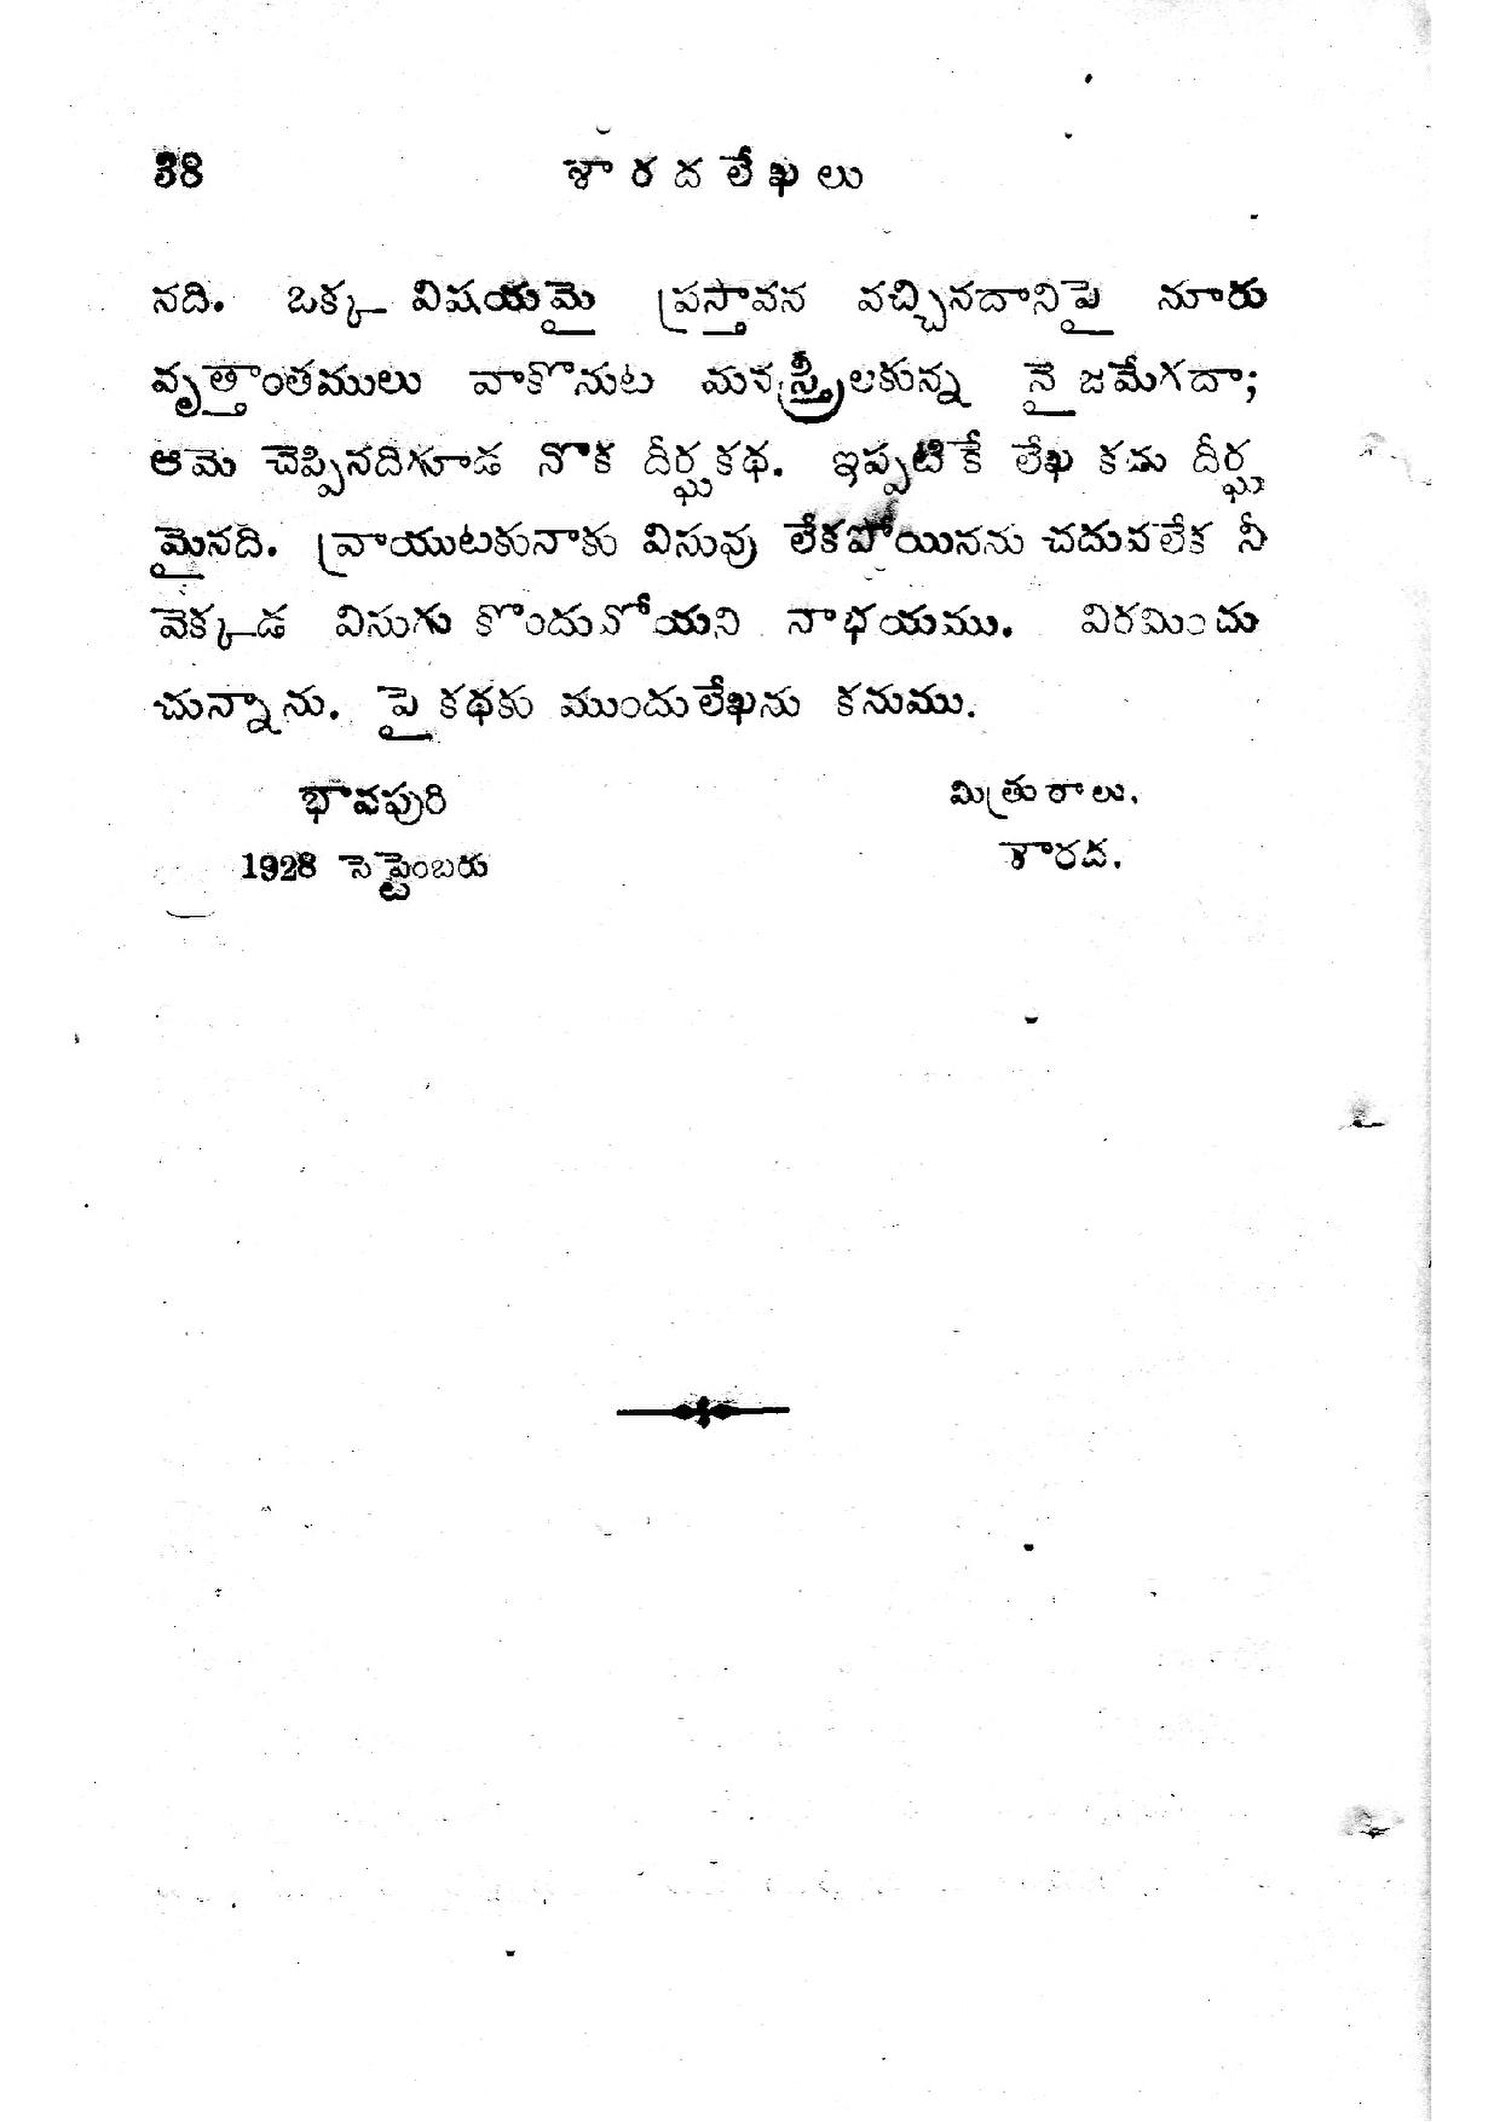నది. ఒక్క విషయమై ప్రస్తావన వచ్చినదానిపై నూరు వృత్తాంతములు వాకొనుట మనస్త్రీలకున్న నైజమేగదా;
ఆమె చెప్పినదిగూడ నొక దీర్ఘకథ. ఇప్పటికే లేఖ కడు దీర్ఘమైనది. వ్రాయుటకునాకు విసువు లేకపోయినను చదువలేక నీవెక్కడ విసుగు కొందువోయని నాభయము. విరమించుచున్నాను. పైకథకు ముందులేఖను కనుము.